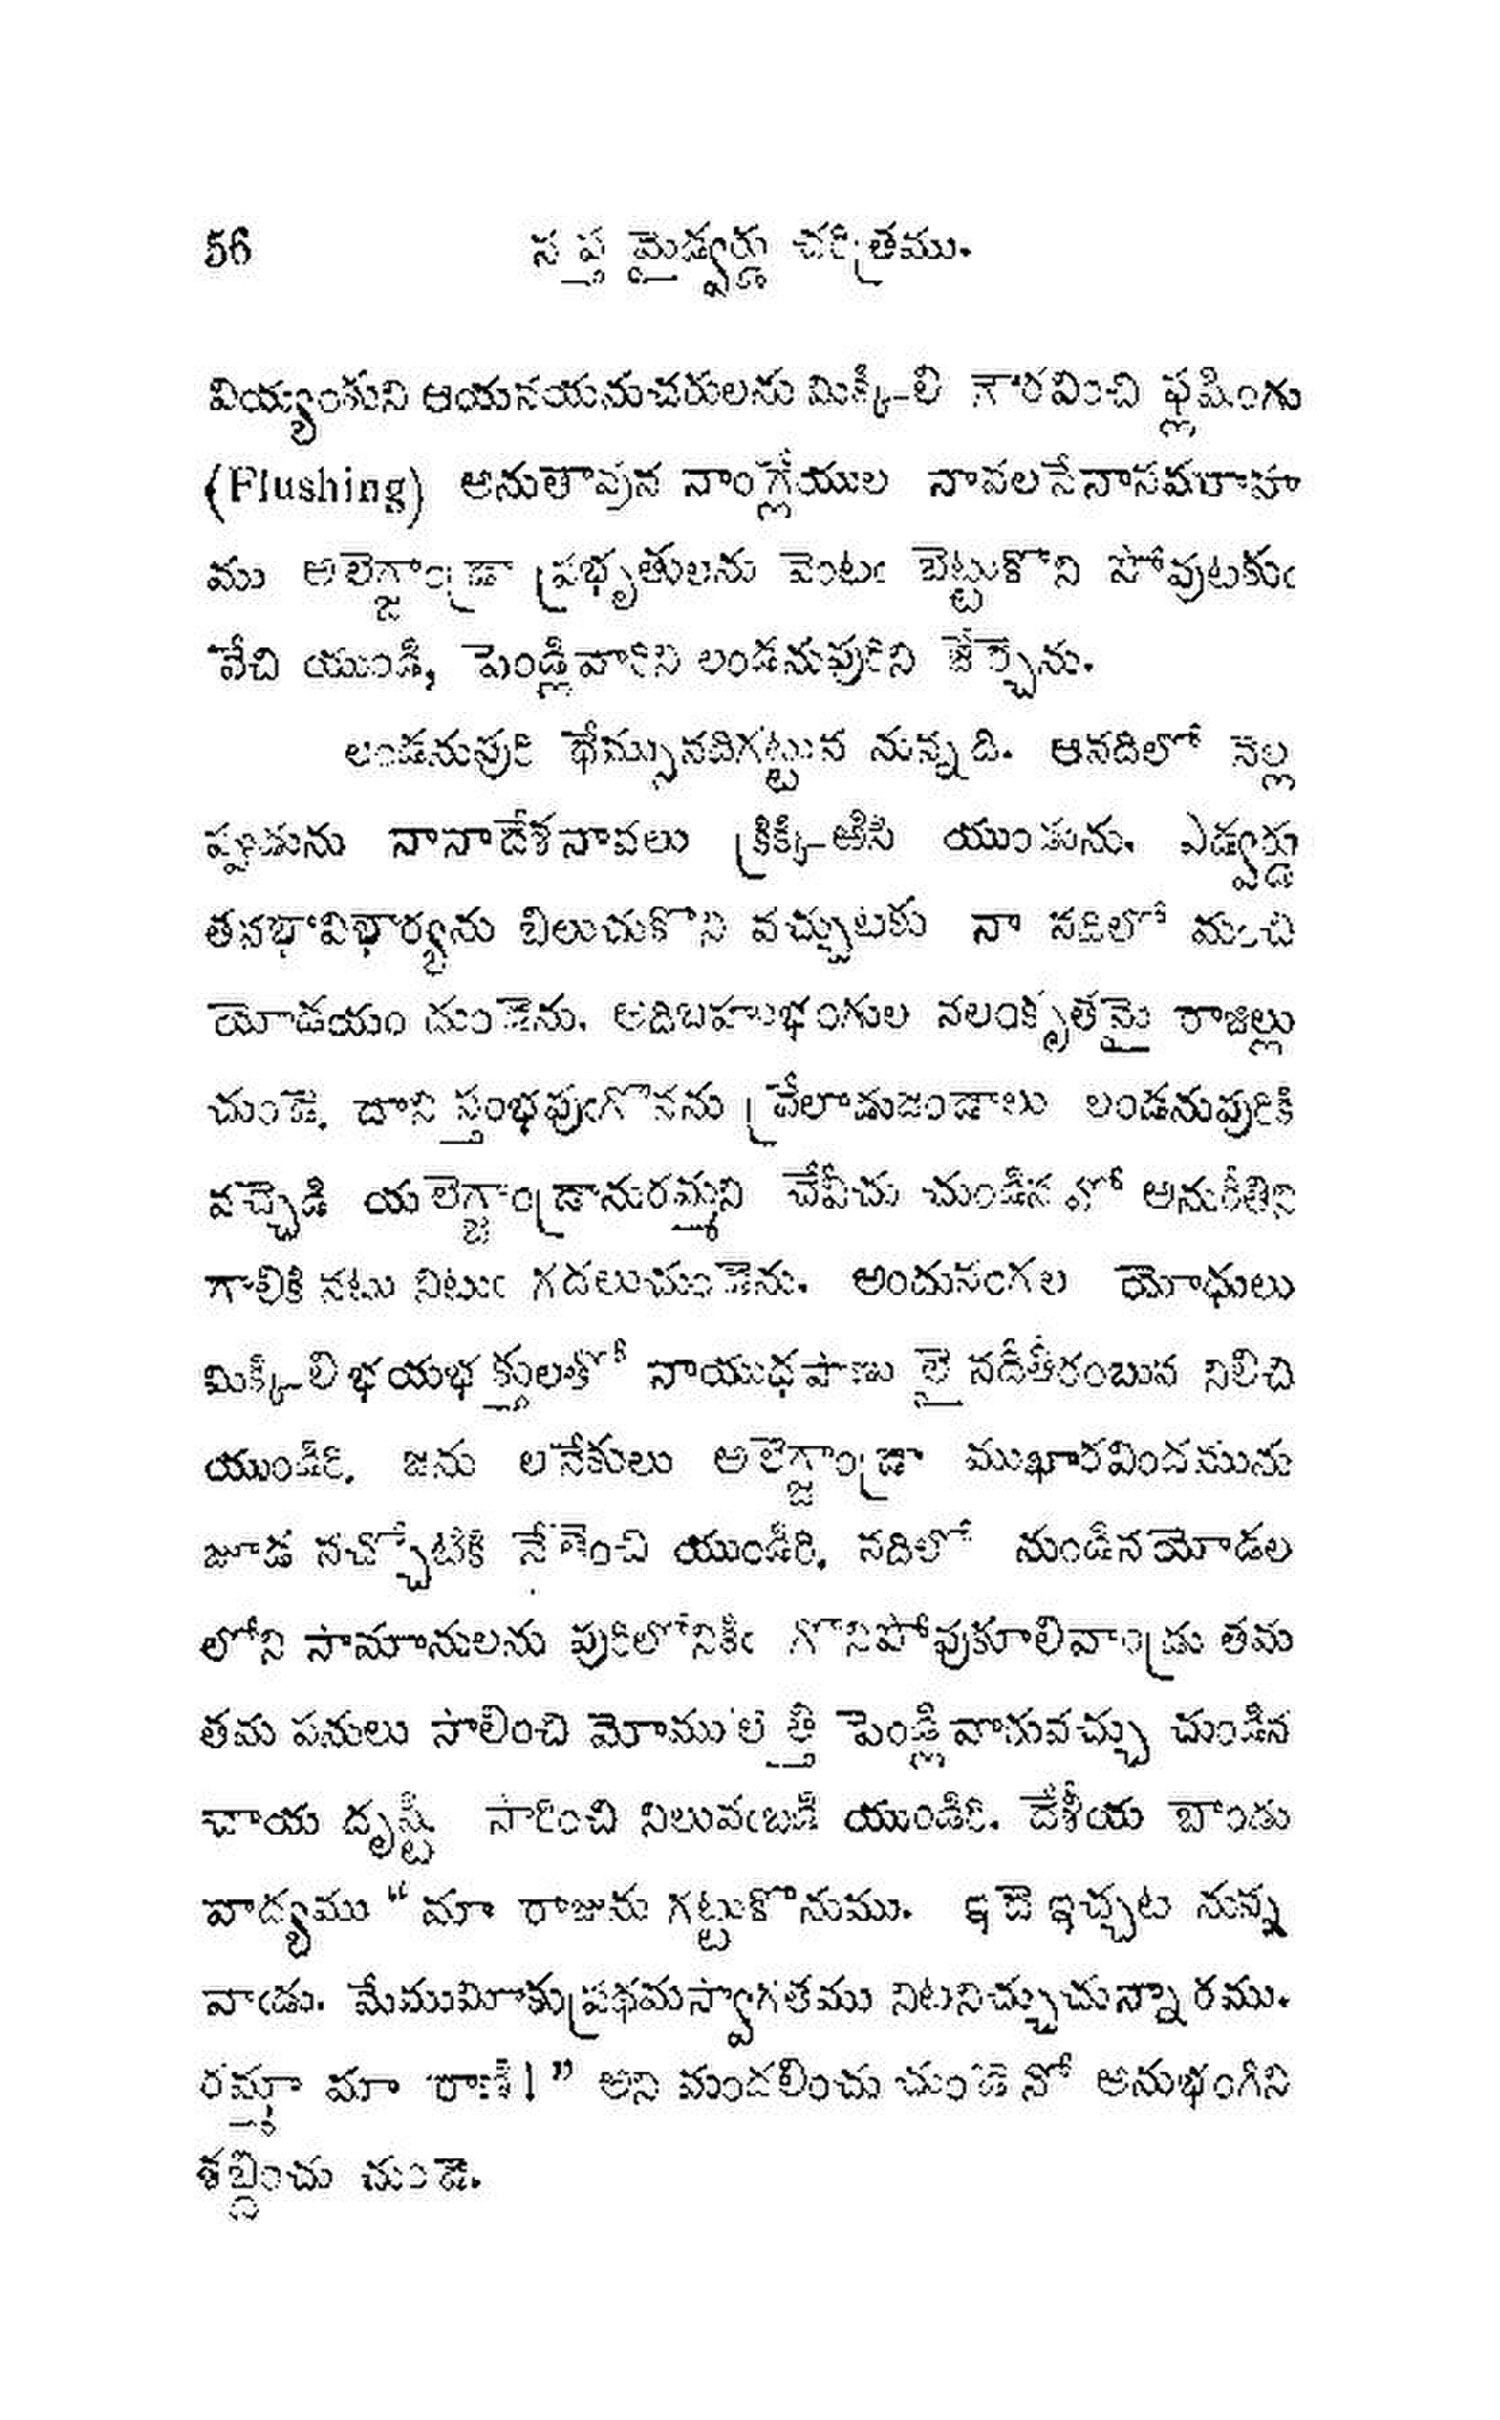వియ్యంకుని ఆయనయనుచరులను మిక్కిలి గౌరవించి ఫ్లషింగు(Flushing) అనుతావున నాంగ్లేయుల నావల సేనాసమూహము ఆలెగ్జాండ్రా ప్రభృతులను వెంట బెట్టుకొని పోవుటకుఁ
"వేచి యుండి, పెండ్లి వారిని లండనుపురిని జేర్చెను,

లండనుపురి ధేమ్సునదిగట్టున నున్నది. ఆనదిలో నెల్లప్పుడును నానాదేశ నావలు క్రిక్కిరిసి యుండును. ఎడ్వర్లు తసభావి భార్యను బిలుచుకొని వచ్చుటకు నా నదిలో మంచి
యోడయుండెను. ఆదిబహుబంగుల నలంకృతమై రాజిల్లుచుండె, దాని స్తంభపుఁగొనను వ్రేలాడు జండాలు లండనుపురికి వచ్చెడి యలెగ్జాండ్రాను రమ్మని చేవీచు చుండినవో అనురీతిని
గాలికి నటు నిటు గదులుచుండెను. అందునంగల యోధులు మిక్కిలి భయభ క్తులతో నాయుధపాణులై నదీతీరంబున నిలిచియుండు జను లనేకులు అలెగ్జాండ్రా ముఖారవిందమును
జూడ నచ్చోటికి నేతెంచి యుండిరి. నదిలో నుండిన యేడలలోని సామానులను పురిలోనికి పోవుకూలివాడ్రు తమతమ పనులు సాలించి మోములెత్తి పెండ్లి వారువచ్చు చుండిన
చాయ దృష్టి సారించి నిలువఁబడి యుండిరి. దేశీయ బాండువాద్యము “మా రాజును “మా రాజును గట్టుకొనుము. - ఇచ్చట నున్నవాఁడు. మేము మీకు ప్రథమ స్వాగతము నిటనిచ్చుచున్నారము.
రమ్మా మా 'రాణి ! " అని మందలించు చుండెనో అనుభంగిని శబ్దించు చుండె.